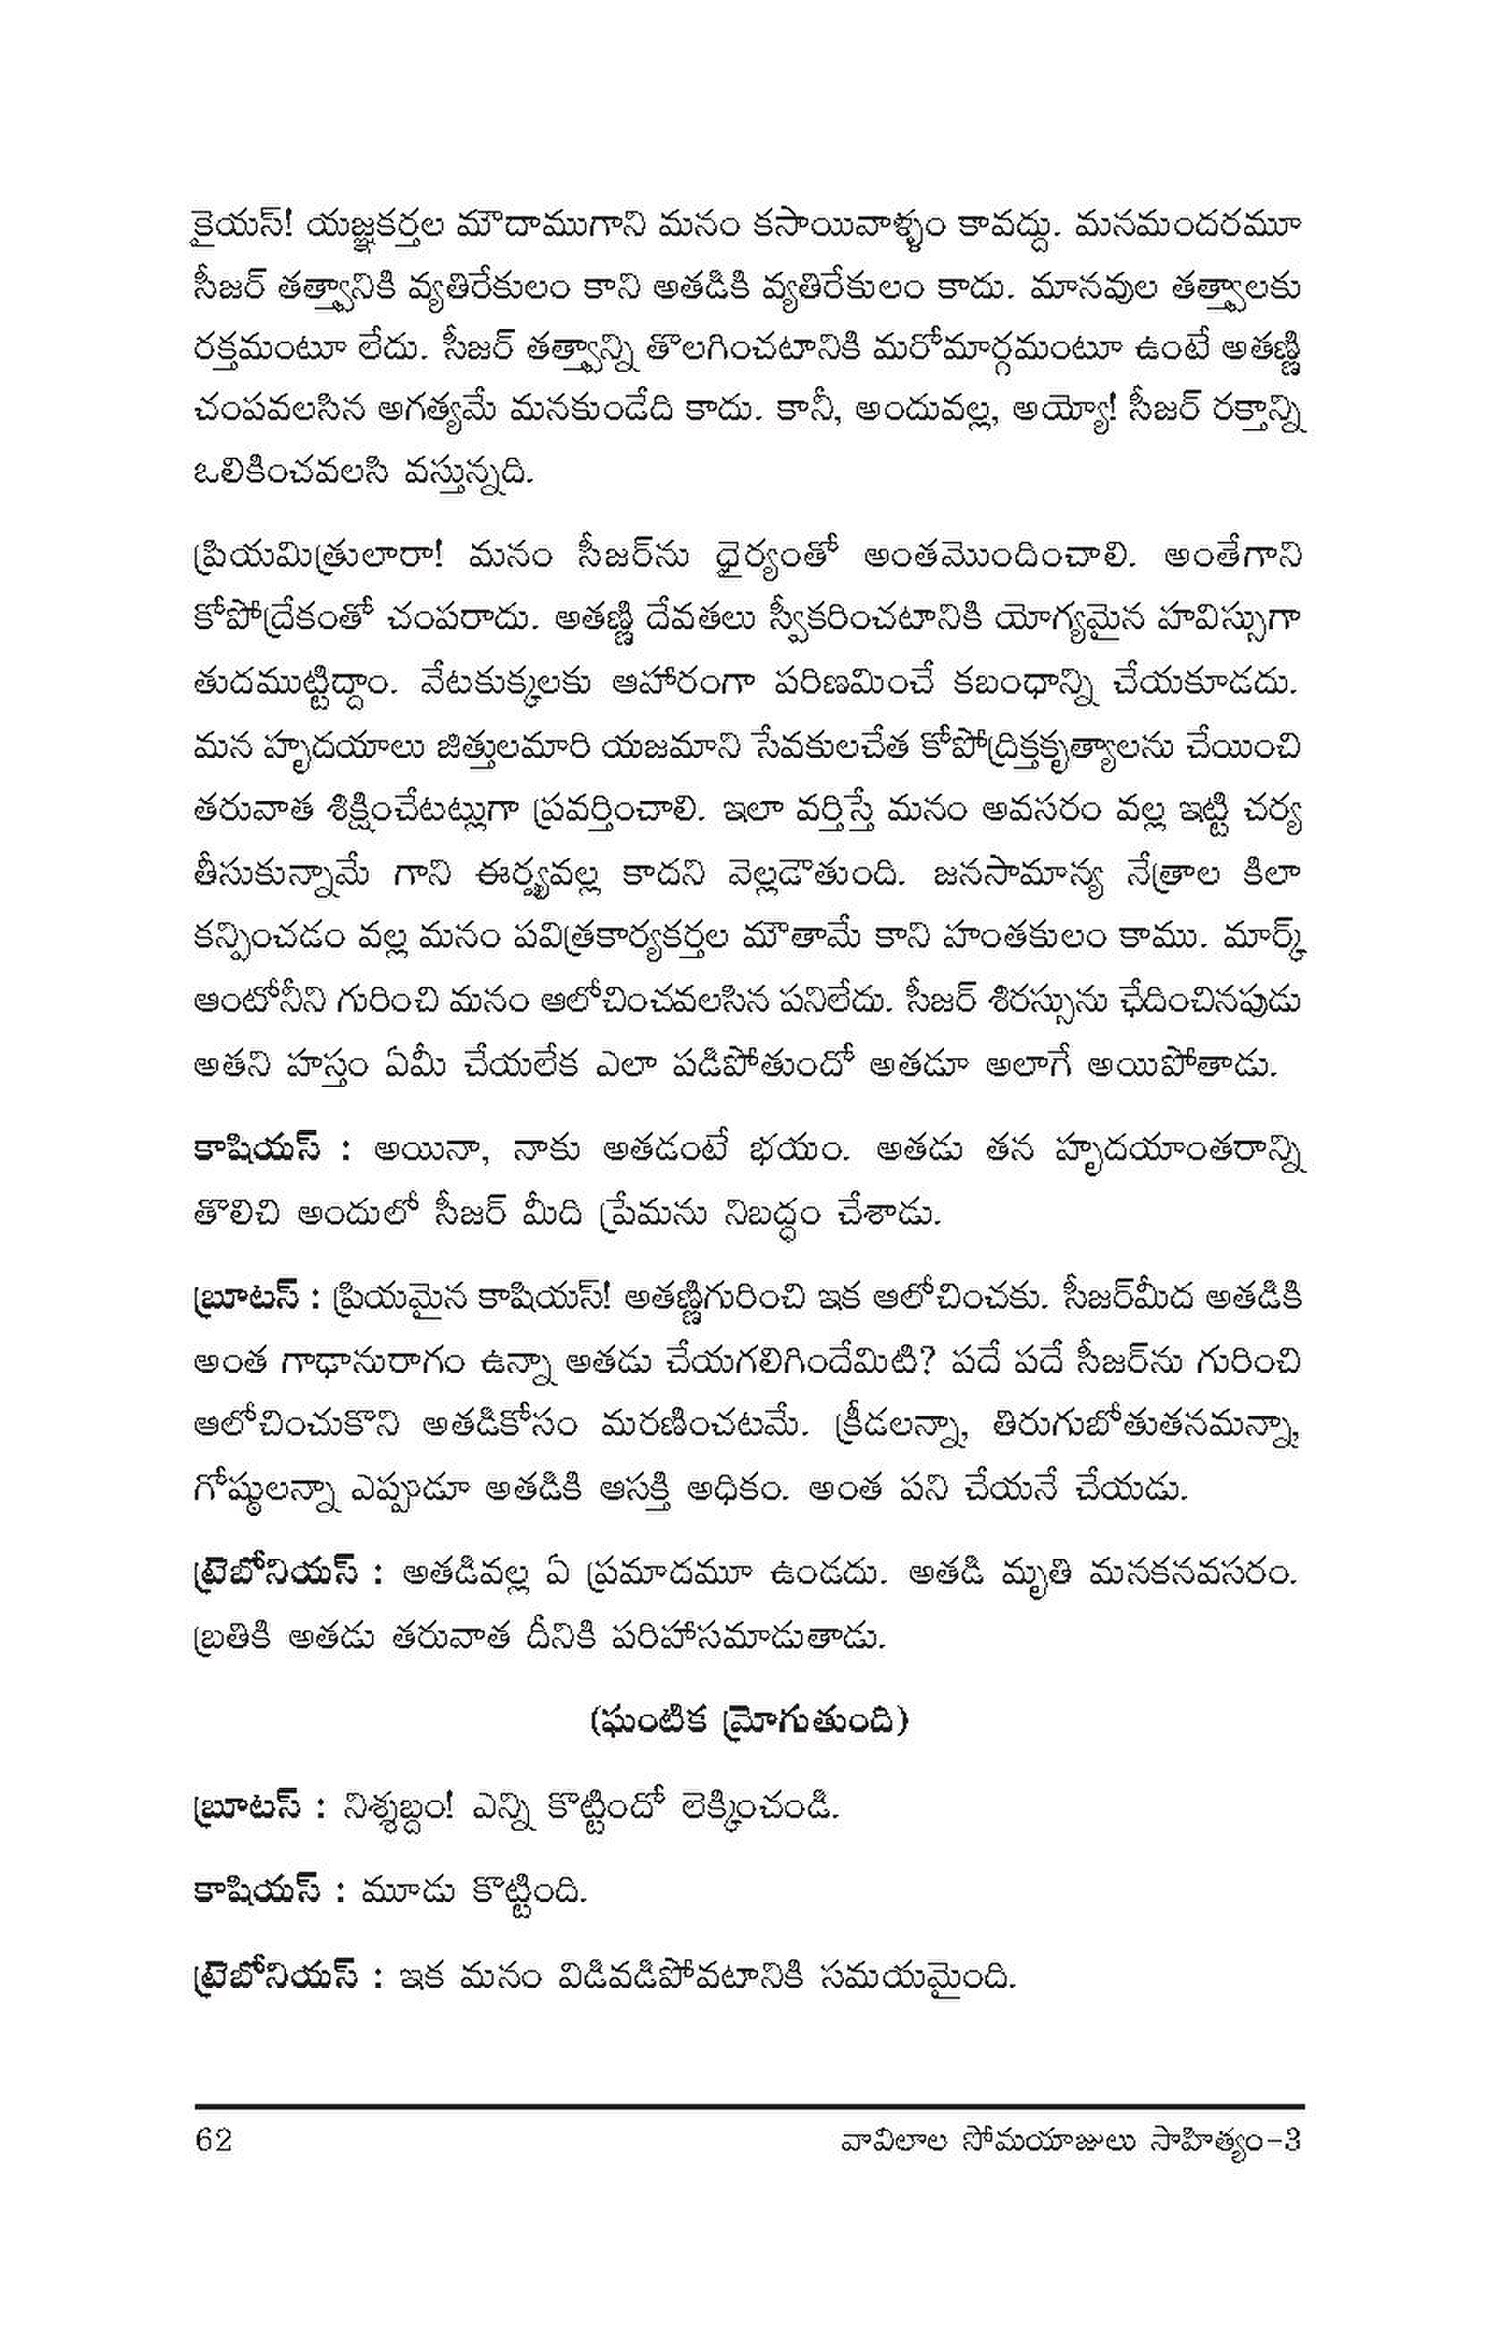కైయస్! యజ్ఞకర్తల మౌదాముగాని మనం కసాయివాళ్ళం కావద్దు. మనమందరమూ సీజర్ తత్త్వానికి వ్యతిరేకులం కాని అతడికి వ్యతిరేకులం కాదు. మానవుల తత్త్వాలకు రక్తమంటూ లేదు. సీజర్ తత్త్వాన్ని తొలగించటానికి మరోమార్గమంటూ ఉంటే అతణ్ణి చంపవలసిన అగత్యమే మనకుండేది కాదు. కానీ, అందువల్ల, అయ్యో! సీజర్ రక్తాన్ని ఒలికించవలసి వస్తున్నది.

ప్రియమిత్రులారా! మనం సీజర్ను ధైర్యంతో అంతమొందించాలి. అంతేగాని కోపోద్రేకంతో చంపరాదు. అతణ్ణి దేవతలు స్వీకరించటానికి యోగ్యమైన హవిస్సుగా తుదముట్టిద్దాం. వేటకుక్కలకు ఆహారంగా పరిణమించే కబంధాన్ని చేయకూడదు.
మన హృదయాలు జిత్తులమారి యజమాని సేవకులచేత కోపోద్రిక్తకృత్యాలను చేయించి తరువాత శిక్షించేటట్లుగా ప్రవర్తించాలి. ఇలా వర్తిస్తే మనం అవసరం వల్ల ఇట్టి చర్య తీసుకున్నామే గాని ఈర్ష్యవల్ల కాదని వెల్లడౌతుంది. జన సామాన్య నేత్రాల కిలా కన్పించడం వల్ల మనం పవిత్రకార్యకర్తల మౌతామే కాని హంతకులం కాము. మార్క్ ఆంటోనీని గురించి మనం ఆలోచించవలసిన పనిలేదు. సీజర్ శిరస్సును ఛేదించినపుడు అతని హస్తం ఏమీ చేయలేక ఎలా పడిపోతుందో అతడూ అలాగే అయిపోతాడు.

కాషియస్ : అయినా, నాకు అతడంటే భయం. అతడు తన హృదయాంతరాన్ని తొలిచి అందులో సీజర్ మీది ప్రేమను నిబద్ధం చేశాడు.

బ్రూటస్ : ప్రియమైన కాషియస్! అతణ్ణి గురించి ఇక ఆలోచించకు. సీజర్ మీద అతడికి అంత గాఢానురాగం ఉన్నా అతడు చేయగలిగిందేమిటి? పదే పదే సీజర్ ను గురించి ఆలోచించుకొని అతడికోసం మరణించటమే. క్రీడలన్నా, తిరుగుబోతుతనమన్నా, గోష్ఠులన్నా ఎప్పుడూ అతడికి ఆసక్తి అధికం. అంత పని చేయనే చేయడు.

ట్రెబోనియస్ : అతడివల్ల ఏ ప్రమాదమూ ఉండదు. అతడి మృతి మనకనవసరం. బ్రతికి అతడు తరువాత దీనికి పరిహాసమాడుతాడు.

బ్రూటస్ : నిశ్శబ్దం! ఎన్ని కొట్టిందో లెక్కించండి.

కాషియస్ : మూడు కొట్టింది.

ట్రెబోనియస్ : ఇక మనం విడివడిపోవటానికి సమయమైంది.